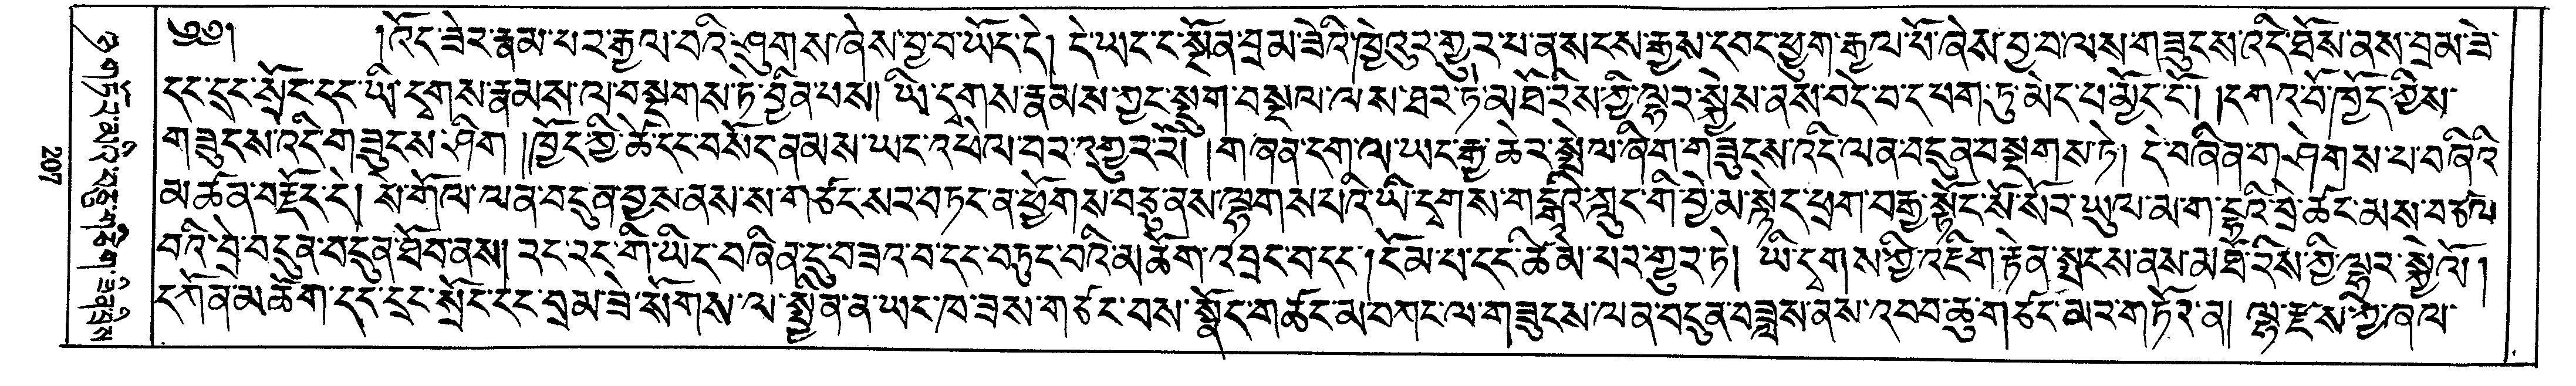༄༅། །འོད་ཟེར་རྣམ་པར་རྒྱལ་བའི་ཤུགས་ཞེས་བྱ་བ་ཡོད་དེ། དེ་ཡང་ང་སྔོན་བྲམ་ཟེའི་ཁྱེའུར་གྱུར་པ་ན་སངས་རྒྱས་དབང་ཕྱུག་རྒྱལ་པོ་ཞེས་བྱ་བ་ལས་གཟུངས་འདི་ཐོས་ནས་བྲམ་ཟེ་
དང་དྲང་སྲོང་དང་ཡི་དྭགས་རྣམས་ལ་བསྔགས་ཏེ་བྱིན་པས། ཡི་དྭགས་རྣམས་ཀྱང་སྡུག་བསྔལ་ལས་ཐར་ཏེ་མཐོ་རིས་ཀྱི་ལྷར་སྐྱེས་ནས་བདེ་བ་དཔག་ཏུ་མེད་པ་མྱོང་ངོ། །དགའ་བོ་ཁྱོད་ཀྱིས་
གཟུངས་འདི་གཟུངས་ཤིག །ཁྱོད་ཀྱི་ཚེ་དང་བསོད་ནམས་ཡང་འཕེལ་བར་འགྱུར་རོ། །གཞན་དག་ལ་ཡང་རྒྱ་ཆེར་སྤེལ་ཞིག་གཟུངས་འདི་ལན་བདུན་བསྔགས་ཏེ། དེ་བཞིན་གཤེགས་པ་བཞིའི་
མཚན་བརྗོད་དེ། སེ་གོལ་ལན་བདུན་བྱས་ནས་ས་གཙང་སར་བཏང་ན་ཕྱོགས་བཅུ་ནས་ལྷགས་པའི་ཡི་དྭགས་གངྒཱའི་ཀླུང་གི་བྱེ་མ་སྙེད་ཕྲག་བརྒྱ་སྟོང་སོ་སོར་ཡུལ་མ་ག་དྷའི་བྲེ་ཚང་མས་བཅལ་
བའི་བྲེ་བདུན་བདུན་ཐོབ་ནས། རང་རང་གི་ཡིད་བཞིན་དུ་བཟའ་བ་དང་བཏུང་བའི་མཆོག་འབྲང་བ་དང་། ངོམ་པ་དང་ཚིམ་པར་གྱུར་ཏེ། ཡི་དྭགས་ཀྱི་འཇིག་རྟེན་སྤངས་ནས་མཐོ་རིས་ཀྱི་ལྷར་སྐྱེའོ། །
དཀོན་མཆོག་དང་དྲང་སྲོང་དང་བྲམ་ཟེ་སོགས་ལ་སྦྱིན་ན་ཡང་ཁ་ཟས་གཙང་བས་སྣོད་གཙང་མ་བཀང་ལ་གཟུངས་ལན་བདུན་བཟླས་ནས་འབབ་ཆུ་གཙང་མར་གཏོར་ན། ལྷ་རྫས་ཀྱི་ཞལ་